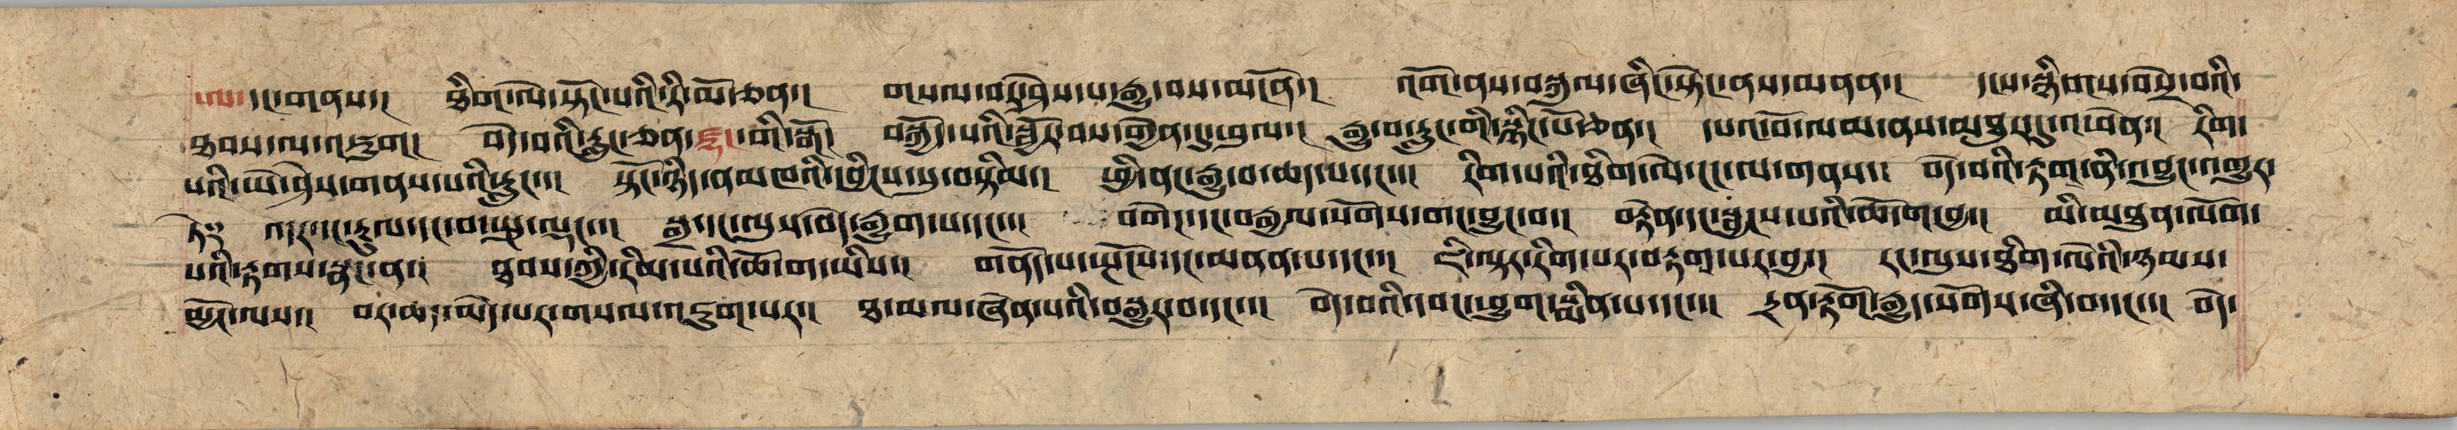ཨ་དང་གནས་། ཐིག་ལེ་སྟོང་པའི་རི་མོ་ཅན་། གསལ་བར་ཤེས་པ་རྒྱུ་བས་མངོན་། འོག་ནས་བསྐུལ་ཞིང་སྟེང་ནས་མནན་། དངས་སྙིགས་བསྲེ་བའི་
ཐབས་ལ་འཇུག། བདེ་བའི་རླུང་ཅན་ཛྷང་གི་སྒོ་། བསྐྱོད་པའི་སྦྱོར་བས་གྱེན་དུ་ཕུལ་། རྒྱུ་བ་རླུང་གི་སྙིང་པོ་ཅན་། དཔའ་བོ་ལམ་ནས་མཐུར་དུ་འཕེན་། རིག་
པའི་ཡེ་ཤེས་གནས་པའི་རླུང་་། སྟོང་ཉིད་ནམཁའི་དབྱིངས་སུ་བསྟིམ་། ཕྱི་ནང་རྒྱུ་བ་ཆད་པ་དང་་། རིག་པའི་ཐིག་ལེ་ངང་ལ་གནས་། བདེ་བའི་རྟག་ནི་འབྱུང་འགྱུར་
ཏེ༑ འདར་དང་རྡུལ་དང་བ་སྤུ་ལྡང་་། སྒྲ་དང་ལུས་བདེ་རྒྱུག་པ་དང་་། བགེཌ་དང་བརྒྱལ་སོགས་གང་བྱུང་བ་། བརྟེན་དང་སྦྱངས་པའི་ཆོ་ག་བྱ་། མི་མཐུན་ལོག་
པའི་རྟགས་སྣང་ན་། ཐབས་ཀྱི་རིམ་པའི་ཆོ་ག་ཡིས་། གནདོ་པ་སྤོངས་དང་མནན་པ་དང་་། ཇི་ལྟར་རིག་པར་བརྟག་པར་བྱ་། རང་ལུས་ཐིག་ལེའི་ཉམས་
མྱོང་ལས་། བར་ཆད་མེད་པར་གསལ་འཇུག་པར་། ཐ་མལ་ཞེན་པའི་བསྒྱུར་བ་དང་་། བདེ་བའི་དབང་ཕྱུག་སྨིན་པ་དང་་། དྲན་རྟོག་རྒྱུད་སོགས་ཞི་བ་དང་་། བདེ་